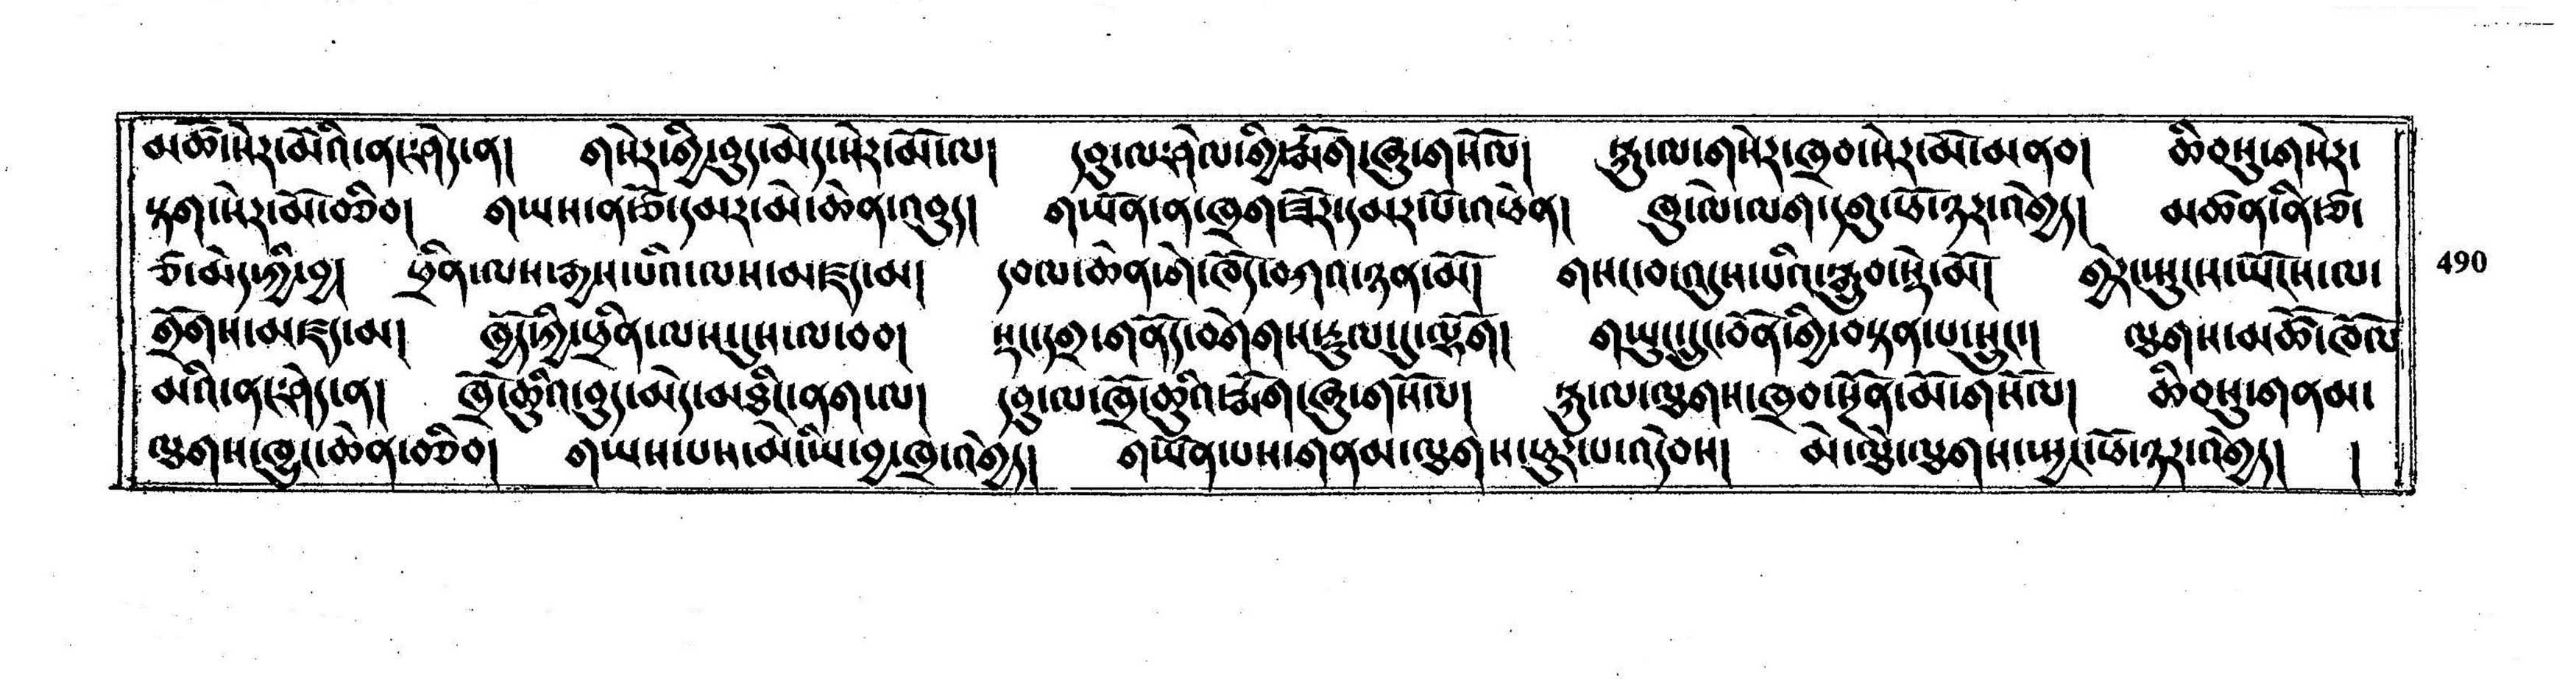མཚོ་སེར་མོའི་ནང་ཤེད་ན། གསེར་གྱི་བུད་མེད་སེར་མོ་ལ། དབུ་ལ་ཤེལ་གྱི་རྨོག་ཞུ་གསོལ། སྐུ་ལ་གསེར་ཁྲབ་སེར་མོ་མནབ། ཆིབས་སུ་གསེར་
སྟག་སེར་མོ་བཅིབ། གཡས་ན་ཙོ་དམར་མེ་ཆེན་འབུད། གཡོན་ན་ཁྲག་ཟོར་དམར་པོ་འཕེན། ཁུ་ལེ་ལག་དགུ་ཕོ་ཉར་འགྱེད། མཚན་ནི་ཙ་
ཙ་མེད་ཀྱི་བྱ། ཕྲིན་ལས་རྒྱས་པའི་ལས་མཛད་མ། དབལ་ཆེན་གེ་ཁོད་བཀའ་ཉན་མོ། གསང་བ་འདུས་པའི་སྒྲུབ་སྡེ་མོ། གྱེར་སྤུངས་ཡོངས་ལ་
གྲོགས་མཛད་མ། ཁྱོད་ཀྱི་ཕྲིན་ལས་དུས་ལ་བབ། སྡང་དགྲ་གནོད་བགེགས་རྡུལ་དུ་ལྷོག གཡུང་དྲུང་བོན་གྱི་བསྟན་པ་སྲུང་། {504}ལྕགས་མཚོ་ཁོལ་
མའི་ནང་ཤེད་ན། ཁྲོ་ཆུའི་བུད་མེད་མཐིང་ནག་ལ། དབུ་ལ་ཁྲོ་ཆུའི་རྨོག་ཞུ་གསོལ། སྐུ་ལ་ལྕགས་ཁྲབ་སྔོན་མོ་གསོལ། ཆིབས་སུ་གནམ་
ལྕགས་ཁྱུང་ཆེན་བཅིབ། གཡས་པས་མེ་ཡི་བྱ་ཁྲ་འགྱེད། གཡོན་པས་གནམ་ལྕགས་ཕུར་པ་འདེབས། མེ་ལྕེ་ལྕགས་སྤྱང་ཕོ་ཉར་འགྱེད།